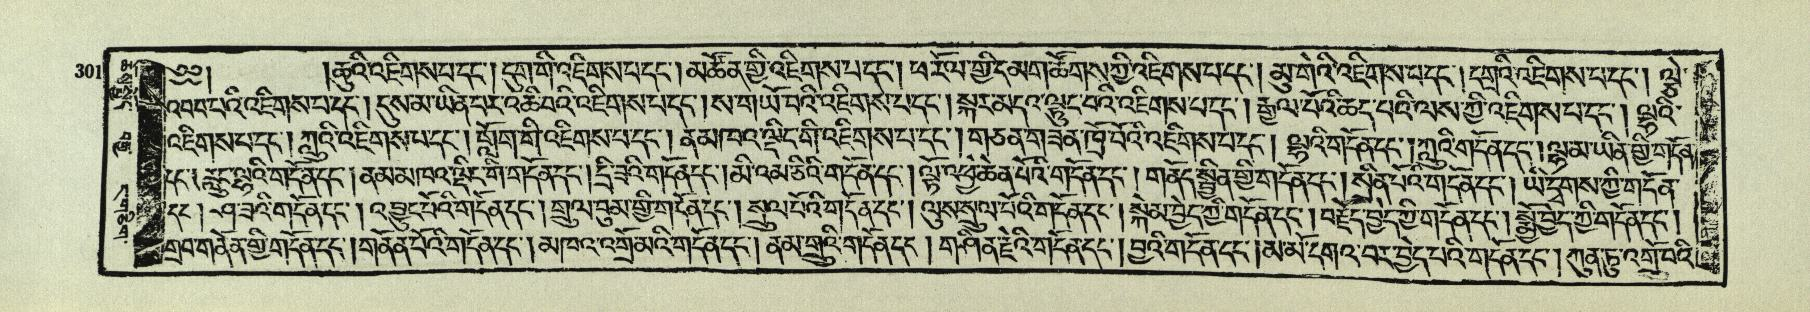༄༅། །ཆུའི་འཇིགས་པ་དང་།དགུ་གི་འཇིགས་པ་དང་།མཚོན་གྱི་འཇིགས་པ་དང་།ཕ་རོལ་གྱི་དམག་ཚོགས་ཀྱི་འཇིགས་པ་དང་།མུ་གེའི་འཇིགས་པ་དང་།དགྲའི་འཇིགས་པ་དང་།ལྕེ་
འབབ་པའི་འཇིགས་པ་དང་།དུས་མ་ཡིན་པར་འཆི་བའི་འཇིགས་པ་དང་།ས་གཡོ་བའི་འཇིགས་པ་དང་།སྐར་མདའ་ལྟུང་བའི་འཇིགས་པ་དང་།རྒྱལ་པོའི་ཆད་པའི་ལས་ཀྱི་འཇིགས་པ་དང་།ལྷའི་
འཇིགས་པ་དང་།ཀླུའི་འཇིགས་པ་དང་།གློག་གི་འཇིགས་པ་དང་།ནམ་མཁའ་ལྡིང་གི་འཇིགས་པ་དང་།གཅན་གཟན་ཁྲོ་བོའི་འཇིགས་པ་དང་།ལྷའི་གདོན་དང་།ལྷའི་གདོན་དང་།ལྷ་མ་ཡིན་གྱི་གདོན་
དང་༑རླུང་ལྷའི་གདོན་དང་།ནམ་མཁའ་ལྡིང་གི་གདོན་དང་།དྲི་ཟའི་གདོན་དན་།མི་འམ་ཅིའི་གདོན་དང་།ལྟོ་འཕྱེ་ཆེན་པོའི་གདོན་དང་།གནོད་སྦྱིན་གྱི་གདོན་དང་།སྲིན་པོའི་གདོན་དང་།ཡི་དྭགས་ཀྱི་གདོན་
དང་།ཤ་ཟའི་གདོན་དང་།འབྱུང་པོའི་གདོན་དང་།གྲུལ་བུམ་གྱི་གདོན་དང་།སྲུལ་པོའི་གདོན་དང་།ལུས་སྲུལ་པོའི་གདོན་དང་།སྐེམ་བྱེད་ཀྱི་གདོན་དང་།བརྗོད་བྱེད་ཀྱི་གདོན་དང་།སྨྱོ་བྱེད་ཀྱི་གདོན་དང་།
གྲབ་གནོན་གྱི་གདོན་དང་།གནོན་པོའི་གདོན་དང་།མཁའ་འགྲོ་མའི་གདོན་དང་།ནམ་གྲུའི་གདོན་དང་།གཤིན་རྗེའི་གདོན་དང་།བྱའི་གདོན་དང་།མ་མོ་དགའ་བར་བྱེད་པའི་གདོན་དང་།ཀུན་ཏུ་འགྲོ་བའི་